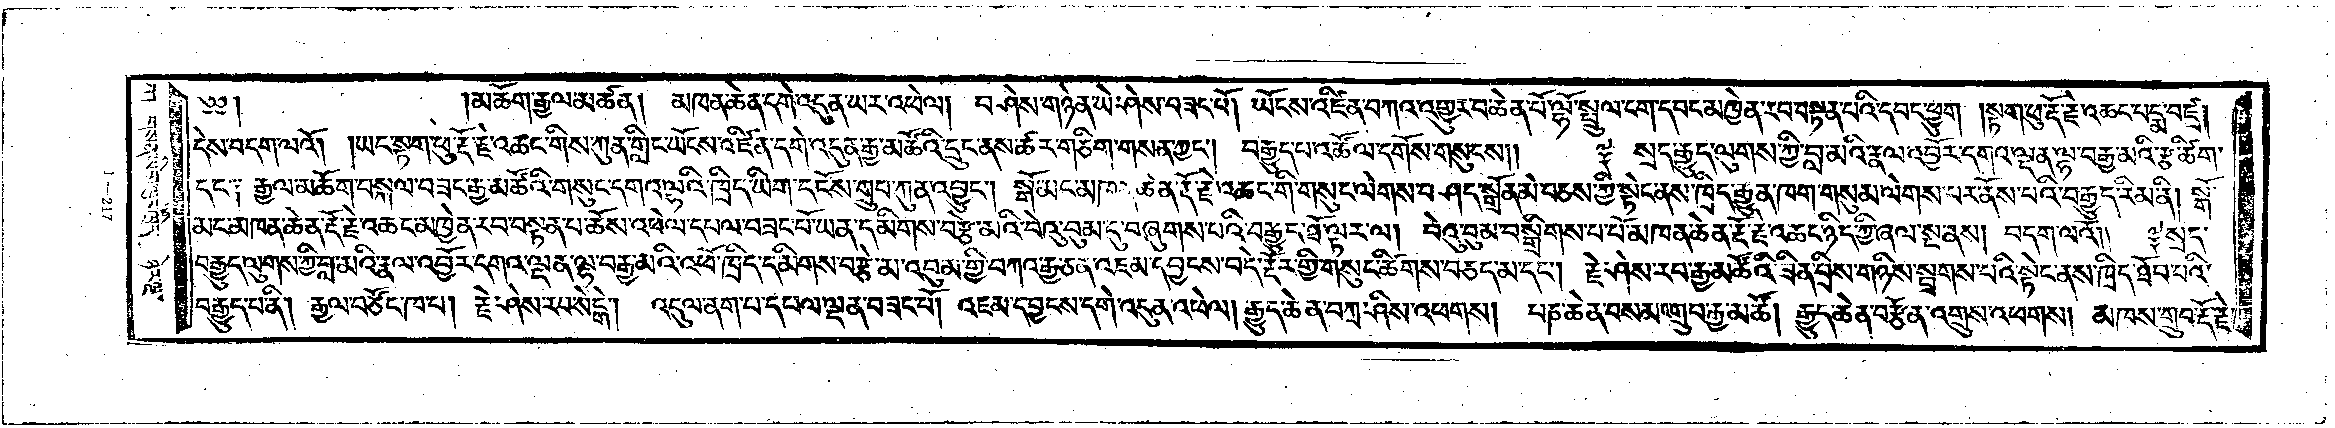༄༅། །མཆོག་རྒྱལ་མཚན། མཁན་ཆེན་དགེ་འདུན་ཡར་འཕེལ། བཤེས་གཉེན་ཡེ་ཤེས་བཟང་པོ། ཡོངས་འཛིན་བཀའ་འགྱུར་བ་ཆེན་པོ་ལྷོ་སྤྲུལ་ངག་དབང་མཁྱེན་རབ་བསྟན་པའི་དབང་ཕྱུག །སྟག་ཕུ་རྡོ་རྗེ་འཆང་པདམ་བཛྲ།
དེས་བདག་ལའོ། །ཡང་སྟག་ཕུ་རྡོ་རྗེ་འཆང་གིས་ཀུན་གླིང་ཡོངས་འཛིན་དགེ་འདུན་རྒྱ་མཚོའི་དྲུང་ནས་ཚར་གཅིག་གསན་ཀྱང་། བརྒྱུད་པ་འཚོལ་དགོས་གསུངས།། འ་སྲད་རྒྱུད་ལུགས་ཀྱི་བླ་མའི་རྣལ་འབྱོར་དགའ་ལྡན་ལྷ་བརྒྱ་མའི་རྩ་ཚིག་
དང༑ རྒྱལ་མཆོག་བསྐལ་བཟང་རྒྱ་མཚོའི་གསུང་དགའ་ལྷའི་ཁྲིད་ཡིག་དངོས་གྲུབ་ཀུན་འབྱུང་། སྒོ་མང་མཁན་ཆེན་རྡོ་རྗེ་འཆང་གི་གསུང་ལེགས་བཤད་སྒྲོན་མེ་བཅས་ཀྱི་སྟེང་ནས་ཁྲིད་རྒྱུན་ཁག་གསུམ་ལེགས་པར་ནོས་པའི་བརྒྱུད་རིམ་ནི། སྒོ་
མང་མཁན་ཆེན་རྡོ་རྗེ་འཆང་མཁྱེན་རབ་བསྟན་པ་ཆོས་འཕེལ་དཔལ་བཟང་པོ་ཡན་དམིགས་བརྩེ་མའི་བེའུ་བུམ་དུ་བཞུགས་པའི་བརྒྱུད་ཐོ་ལྟར་ལ། བེའུ་བུམ་བསྒྲིགས་པ་པོ་མཁན་ཆེན་རྡོ་རྗེ་འཆང་ཉིད་ཀྱི་ཞལ་སྔ་ནས། བདག་ལའོ།། འ་སྲད་
བརྒྱུད་ལུགས་ཀྱི་བླ་མའི་རྣལ་འབྱོར་དགའ་ལྡན་ལྷ་བརྒྱ་མའི་འཕོ་ཁྲིད་དམིགས་བརྩེ་མ་འབུམ་གྱི་བཀའ་རྒྱ་ཅན་འཇམ་དབྱངས་བདེ་རྡོར་གྱི་གསུང་ཚིགས་བཅད་མ་དང་། རྗེ་ཤེས་རབ་རྒྱ་མཚོའི་ཟིན་བྲིས་གཉིས་སྦྲགས་པའི་སྟེང་ནས་ཁྲིད་ཐོབ་པའི་
བརྒྱུད་པ་ནི། རྒྱལ་བཙོང་ཁ་པ། རྗེ་ཤེས་རབ་སེངྒེ། འདུལ་ནག་པ་དཔལ་ལྡན་བཟང་པོ། འཇམ་དབྱངས་དགེ་འདུན་འཕེལ། རྒྱུད་ཆེན་བཀྲ་ཤིས་འཕགས། པཎ་ཆེན་བསམ་འགྲུབ་རྒྱ་མཚོ། རྒྱུད་ཆེན་བརྩོན་འགྲུས་འཕགས། མཁས་གྲུབ་རྡོ་རྗེ།